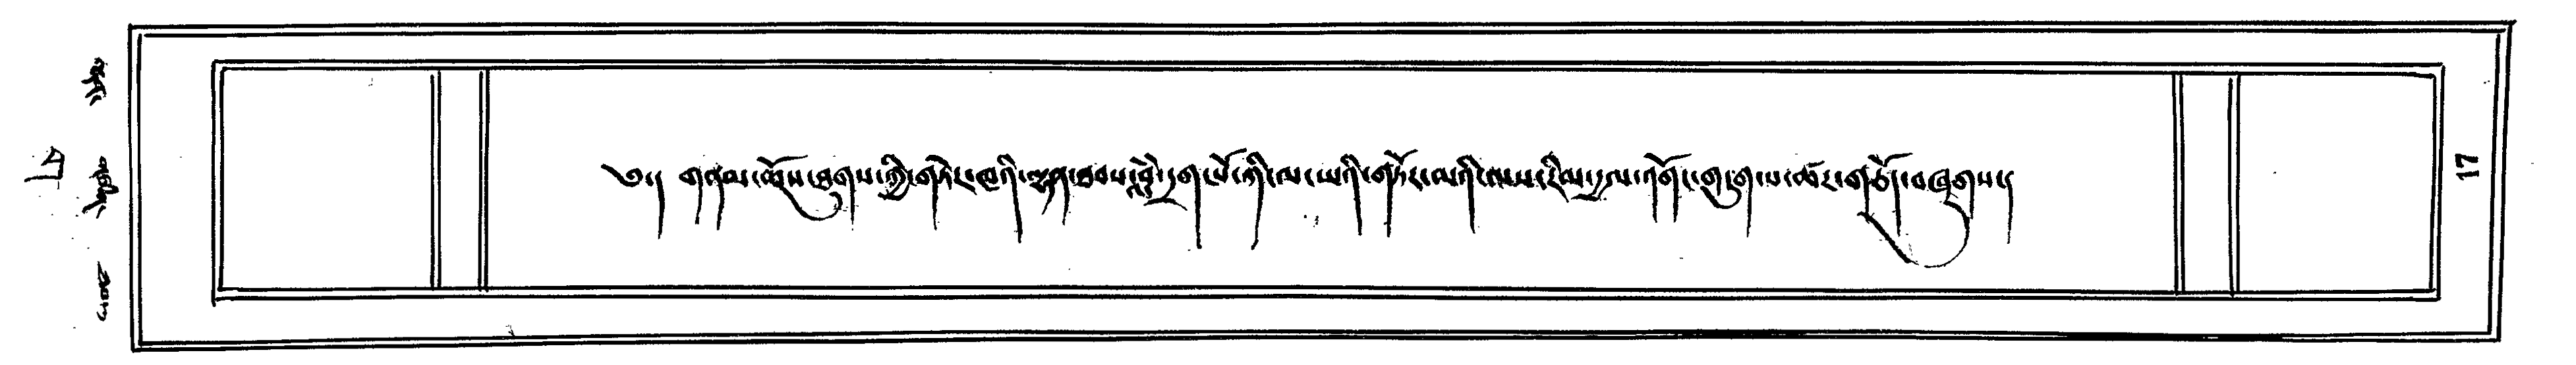༄༅། གནམ་ཆོས་ཐུགས་ཀྱི་གཏེར་ཁའི་ལྷན་ཐབས་བླ་མ་དྲག་པོ་ཀི་ལ་ཡའི་གཏོར་མའི་ལས་རིམ་རྒྱལ་འགོང་གདུག་པ་ཚར་གཅོད་བཞུགས།